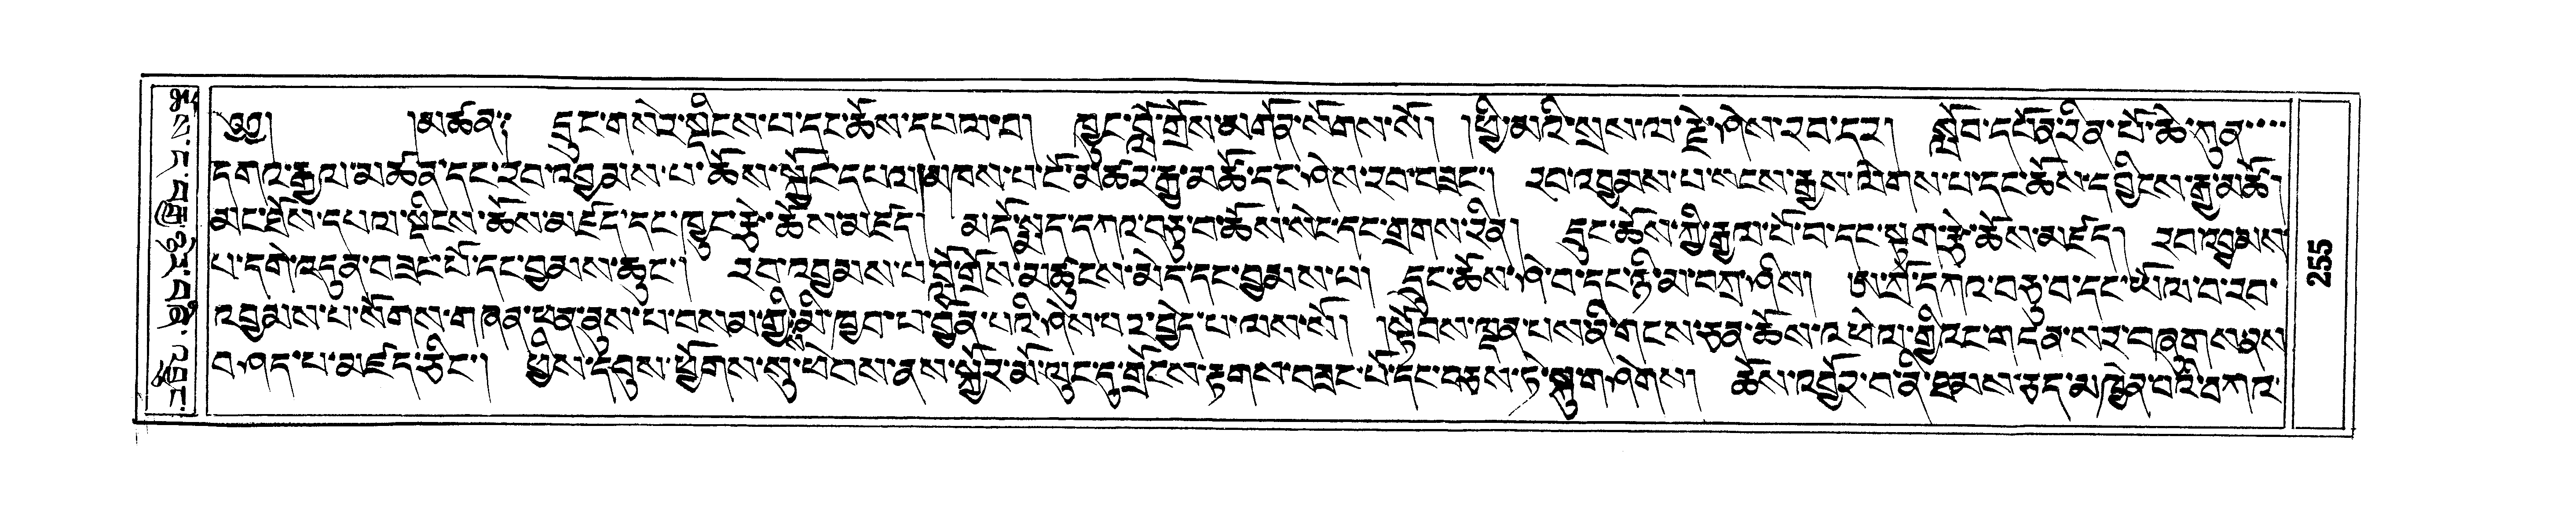༄༅། །མཚན༑ དྲུང་གསེར་སྡིང་པ་དང་ཆོས་དཔལ་བ། ཁྱུང་བློ་གྲོས་མགོན་སོགས་སོ། །ཕྱི་མའི་སྲས་ལ་རྗེ་ཤེས་རབ་དར། སློབ་དཔོན་རིན་པོ་ཆེ་ཀུན་
དགའ་རྒྱལ་མཚན་དང་རབ་འབྱམས་པ་ཆོས་སྐྱོང་དཔལ། མཁས་པ་ངོ་མཚར་རྒྱ་མཚོ་དང་ཤེས་རབ་བཟང་། རབ་འབྱམས་པ་སངས་རྒྱས་ལེགས་པ་དང་ཆོས་དབྱིངས་རྒྱ་མཚོ།
མང་ཐོས་དཔལ་སྡིང་ཆོས་མཛད་དང་ཁྱུང་རྩེ་ཆོས་མཛད། མདོ་སྨད་དཀའ་བཅུ་བ་ཆོས་སེང་དང་གྲགས་རིན། དྲུང་ཆོས་ཀྱི་རྒྱལ་པོ་བ་དང་སྟག་རྩེ་ཆོས་མཛད། རབ་འབྱམས་
པ་དགེ་འདུན་བཟང་པོ་དང་བྱམས་ཆུང་། རབ་འབྱམས་པ་བློ་གྲོས་མཚུངས་མེད་དང་བྱམས་པ། དྲུང་ཆོས་ཤེ་བ་དང་ཉི་མ་བཀྲ་ཤིས། ཨ་ཀྲོ་དཀའ་བཅུ་བ་དང་ཡོལ་བ་རབ་
འབྱམས་པ་སོགས་གཞན་ཕན་ནུས་པ་བསམ་གྱིས་མི་ཁྱབ་པ་བྱོན་པའི་ཤེས་པར་བྱེད་པ་ལས་སོ། །སྟོབས་ལྡན་པས་ནི་གྔས་ཅན་ཆོས་འཕེལ་གྱིའང་གདན་སར་བཞུགས་ནས་
བཤད་པ་མཛད་ཅུང་། ཕྱིས་དབུས་ཕྱོགས་སུ་ཕེབས་ནས་སྐྱོར་མོ་ལུང་དུ་གྲོངས་རྟགས་ཟང་པོ་དང་བཅས་ཏེ་སྐུ་གཤེགས། ཆོས་འབྱོར་བ་ནི་ཐམས་ཅད་མཁྱེན་བའི་བཀའ་